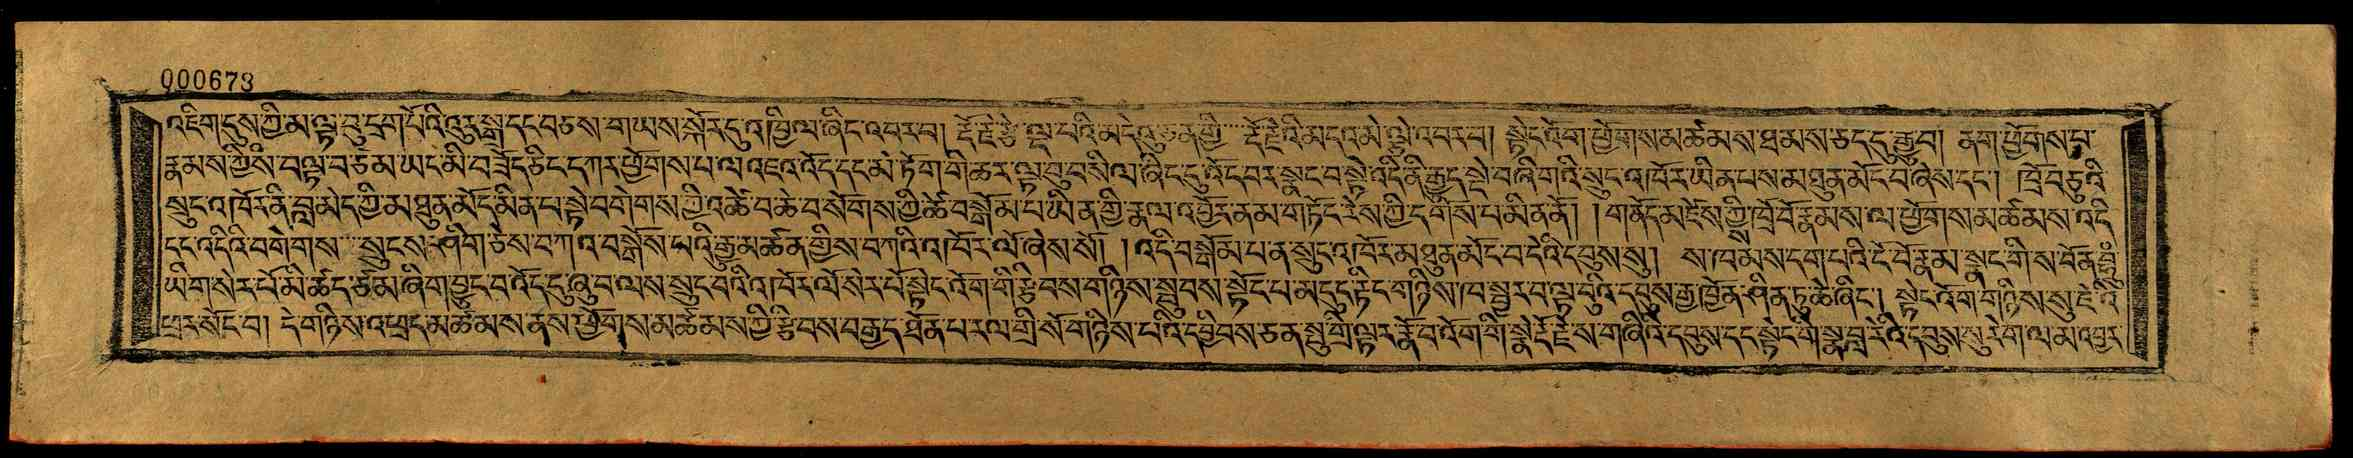འཇིག་དུས་ཀྱི་མེ་ལྟ་བུ་དྲག་པོའི་འུར་སྒྲ་དང་བཅས་གཡས་སྐོར་དུ་འཁྱིལ་ཞིང་འབར་བ། རྡོ་རྗེ་རྩེ་ལྔ་པའི་མདེའུ་ཅན་གྱི་རྡོ་རྗེའི་མདའ་མེ་ལྕེ་འབར་བ། སྟེང་འོག་ཕྱོགས་མཚམས་ཐམས་ཅད་དུ་རྒྱུ་བ། ནག་ཕྱོགས་པ་
རྣམས་ཀྱིས་བལྟ་བ་ཙམ་ཡང་མི་བཟོད་ཅིང་དཀར་ཕྱོགས་པ་ལ་འཇའ་འོད་དང་མེ་ཏོག་གི་ཆར་ལྟ་བུ་བསིལ་ཞིང་ཡིད་དུ་འོང་བར་སྣང་བ་སྟེ་འདི་ནི་རྒྱུད་སྡེ་བཞི་གའི་སྲུང་འཁོར་ཡིན་པས་མཐུན་མོང་བ་ཞེས་དང་། ཁྲོ་བཅུའི་
སྲུང་འཁོར་ནི་བླ་མེད་ཀྱི་མཐུན་མོང་མིན་པ་སྟེ་བགེགས་ཀྱི་འཚེ་བ་ཆེ་བ་སོགས་ཀྱི་ཚེ་བསྒོམ་པ་ཡིན་གྱི་རྣལ་འབྱོར་ནམ་གཏོང་རེས་ཀྱི་དགོས་པ་མིན་ནོ། །གནོད་མཛེས་ཀྱིས་ཁྲོ་བོ་རྣམས་ལ་ཕྱོགས་མཚམས་འདི་
དང་འདིའི་བགེགས་སྲུངས་ཤིག་ཅེས་བཀའ་བསྒོས་པའི་རྒྱུ་མཚན་གྱིས་བཀའི་འཁོར་ལོ་ཞེས་སོ། །འདི་བསྒོམ་པ་ན་སྲུང་འཁོར་མཐུན་མོང་བ་དེའི་དབུས་སུ། ས་ཁམས་དག་པའི་ངོ་བོ་རྣམ་སྣང་གི་ས་བོན་བྷྲུཾ་
ཡིག་སེར་པོ་མི་ཚད་ཙམ་ཞིག་བྱུང་བ་འོད་དུ་ཞུ་བ་ལས་སྲུང་བའི་འཁོར་ལོ་སེར་པོ་སྟེང་འོག་གི་རྩིབས་གཉིས་སྦུབས་སྟོང་པ་མདུང་རྟིང་གཉིས་ཁ་སྦྱར་བ་ལྟ་བུའི་དབུས་རྒྱ་ཁྱོན་ཤིན་ཏུ་ཆེ་ཞིང་། སྟེང་འོག་གཉིས་སུ་ཇེ་
ཕྲར་སོང་བ། དེ་གཉིས་འཕྲད་མཚམས་ནས་ཕྱོགས་མཚམས་ཀྱི་རྩིབས་བརྒྱད་ཐོན་པ་རལ་གྲི་སོ་གཉིས་པའི་དབྱིབས་ཅན་སྤུ་གྲི་ལྟར་རྣོ་བ་འོག་གི་སྣེ་རྡོ་རྗེ་ས་གཞིའི་དབུས་དང་སྟེང་གི་སྣེ་བླ་རེའི་དབུས་སུ་རེག་ལ་མ་འབྱར་